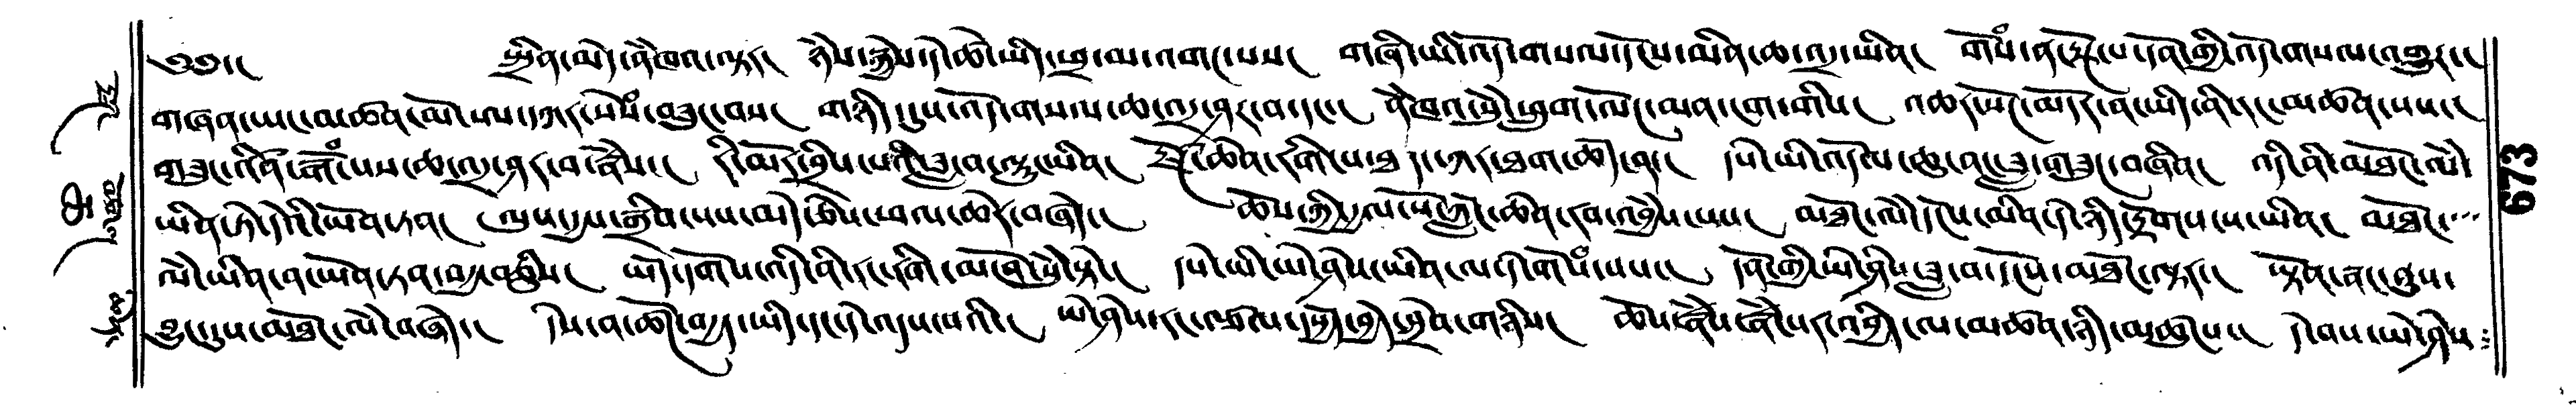སྤྲིན་མེད་ནམ་མཁའ་ལྟར། །ཉམས་སྐྱེས་དེ་ཚེ་ཡིད་ཕྲ་མ་འགགས་པས། །གཞི་ཡི་འོད་གསལ་དངོས་མིན་ཆ་འདྲ་ཡིན། །གོམས་ན་རྟོགས་པ་དོན་གྱི་འོད་གསལ་འགྱུར། །
གཞན་ཡང་མཚན་མོ་ཨ་དཀར་སེམས་བཟུང་བས། །གཉིད་དུས་འོད་གསལ་ཆ་འདྲ་ཤར་བ་དང་། །ནམ་མཁའ་སུམ་ཕྲུག་ལོགས་མན་ངག་གིས། །འཆར་སོགས་མདོར་ན་ཡིད་ནི་དང་མཚན་པས། །
གཟུང་འཛིན་སྒོམ་པས་ཆ་འདྲ་ཤར་བ་རྣམས། །རི་མོར་བྲིས་པའི་ཟླ་བ་ལྟ་བུར་ཡིན། །རྫོགས་ཆེན་རིག་པ་ཐད་དཀར་ཐག་ཆོད་ན། །དཔེ་ཡི་འོད་གསལ་ཆུ་ནང་ཟླ་གཟུགས་བཞིན། །འདི་ནི་མཐོང་ལམ་
ཡིན་ཏེ་དེའི་ཡོན་ཏན། །ལུས་རྒྱས་སྒྲིབ་པས་མེད་ཅེས་ཕལ་ཆེར་བཞེད། །ཆོས་ཀྱི་རྒྱལ་པོ་ཀློང་ཆེན་རབ་འབྱམས་པས། །མཐོང་ལམ་དངོས་མིན་དེ་ཉིད་རྟོགས་པ་ཡིན། །མཐོང་
ལམ་ཡིན་ན་ཡོན་ཏན་བརྒྱ་བཅུ་གཉིས། །ཡོད་དགོས་འདི་ནི་རང་རིག་མངོན་སུམ་སྟེ། །དཔེ་ཡི་ཡེ་ཤེས་ཡིན་ལ་དེ་གོམས་པས། །དོན་གྱི་ཡེ་ཤེས་ཟླ་བ་དངོས་མཐོང་ལྟར། །ཡོན་ཏན་སྣང་ནུས་
བྱུང་དུས་མཐོང་ལམ་བཞེད། །དེས་ན་ཚོགས་བརྒྱད་ཡིད་དང་དེ་འདས་པའི། །ཡེ་ཤེས་རང་རྩལ་དཔྱོད་བྱེད་ཤེས་རབ་གཉིས། །ཆོས་རྣམས་རྣམ་པར་འབྱེད་ལ་མཚན་ཉིད་མཚུངས། །དེ་བས་ཡེ་ཤེས་